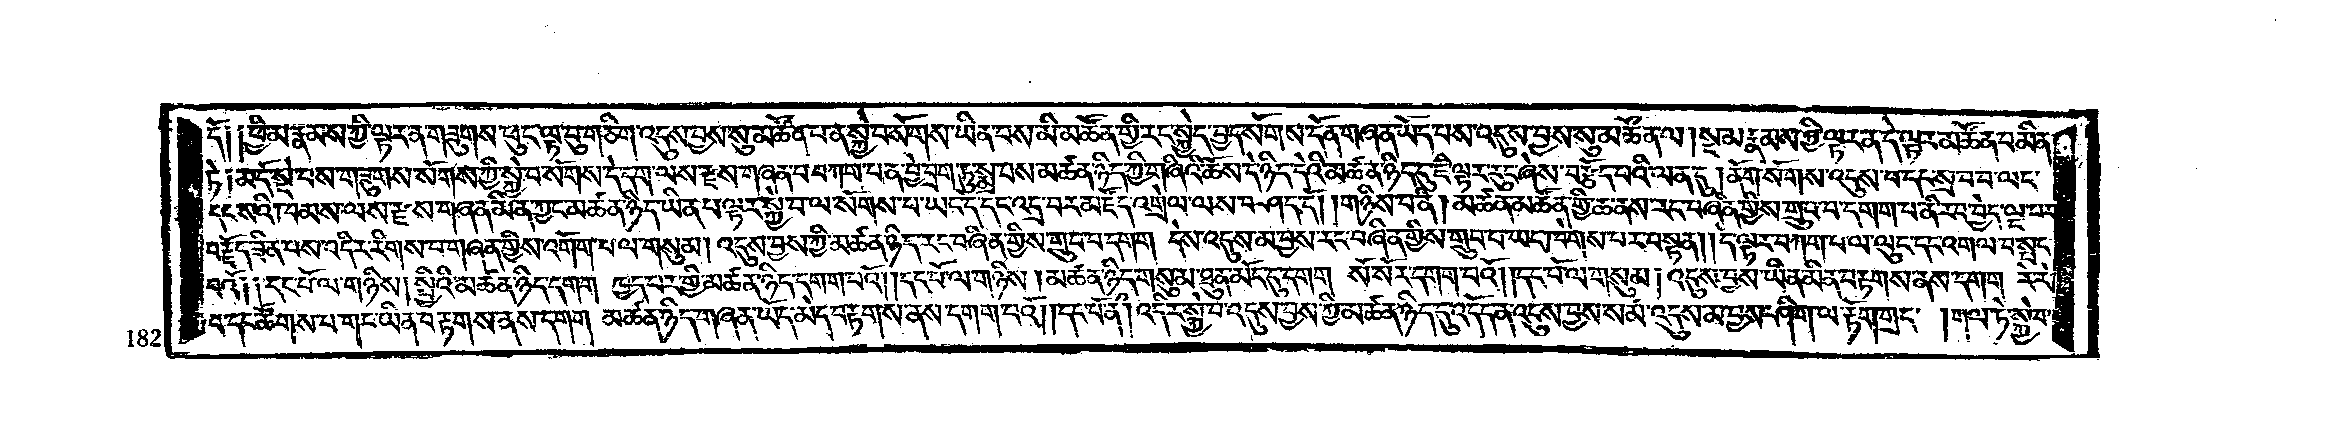དོ༑ ༑ཕྱི་མ་རྣམས་ཀྱི་ལྟར་ན་གཟུགས་ཕུང་ལྟ་བུ་གཅིག་འདུས་བྱས་སུ་མཚོན་པ་ན་སྐྱེ་བ་སོགས་ཡིན་པས་མི་མཚན་གྱི་རང་སྐྱེད་བྱད་སོགས་དོན་གཞན་ཡོད་པས་འདུས་བྱས་སུ་མཚན་ལ། སྔ་མ་རྣམས་ཀྱི་ལྟར་ན་དེ་ལྟར་མཚན་པ་མིན་
ཏེ། མདོ་སྡེ་པས་གཟུགས་སོགས་ཀྱི་སྐྱེ་བ་སོགས་དེ་དག་ལས་རྫས་གཞན་པ་བཀག་པ་ན་བྱེ་བྲག་ཏུ་སྨྲ་བས་མཚན་ཉིད་ཀྱི་གཞིའི་ཆོས་དེ་ཉིད་དེའི་མཚན་ཉིད་དུ་ཛ་ལྟར་རུང་ཞེས་བརྩོད་པའི་ལན་དུ། ནོག་སོགས་འདུས་པ་དང་སྲ་བ་བ་ལང་
དང་སའི་ཁམས་ལས་རྫས་གཞན་མིན་ཀྱང་མཚན་ཉིད་ཡིན་པ་ལྟར་སྐྱེ་བ་ལ་སོགས་པ་ཡང་དེ་དང་འདྲ་བར་མཛོད་འགྲེལ་ལས་བཤད་དོ། །གཉིས་པ་ནི། མཚན་མཚོན་གྱི་ཆ་ནས་རང་བཞིན་གྱིས་གྲུབ་པ་དགག་པ་ནི་རབ་བྱེད་ལྔ་པར་
བརྗོད་ཟིན་པས་འདིར་རིགས་པ་གཞན་གྱིས་འགོག་པ་ལ་གསུམ། འདུས་བྱས་ཀྱི་མཚན་ཉིད་རང་བཞིན་གྱིས་གྲུབ་པ་དགག་དེས་འདུས་མ་བྱས་རང་བཞིན་གྱིས་གྲུབ་པ་ཡང་ཁེགས་པར་བསྟན། །དེ་ལྟར་བཀག་པ་ལ་ལུང་དང་འགལ་བ་སྤང་
པའོ?༑ ༑དང་པོ་ལ་གཉིས། སྤྱིའི་མཚན་ཉིད་དགག་ཁྱད་པར་གྱི་མཚན་ཉིད་དགག་པའོ། །དང་པོ་ལ་གཉིས། མཚན་ཉིད་གསུམ་ཐུན་མོང་དུ་དགག་སོ་སོར་དགག་པའོ། །དང་པོ་ལ་གསུམ། འདུས་བྱས་ཡིན་མིན་བརྟགས་ནས་དགག་རེ་རེ་
པ་དང་ཚོགས་པ་གང་ཡིན་བརྟགས་ནས་དགག་མཆན་ཉིད་གཞན་ཡོད་མེད་བརྟགས་ནས་དགག་པའོ། །དང་པོ་ནི། འདིར་སྐྱེ་བ་འདུས་བྱས་ཀྱི་མཚན་ཉིད་དུ་འདོད་ན་འདུས་བྱས་སམ་འདུས་མ་བྱས་ཤིག་ལ་རྟོག་གྲང་། །གལ་ཏེ་སྐྱེ་བ་